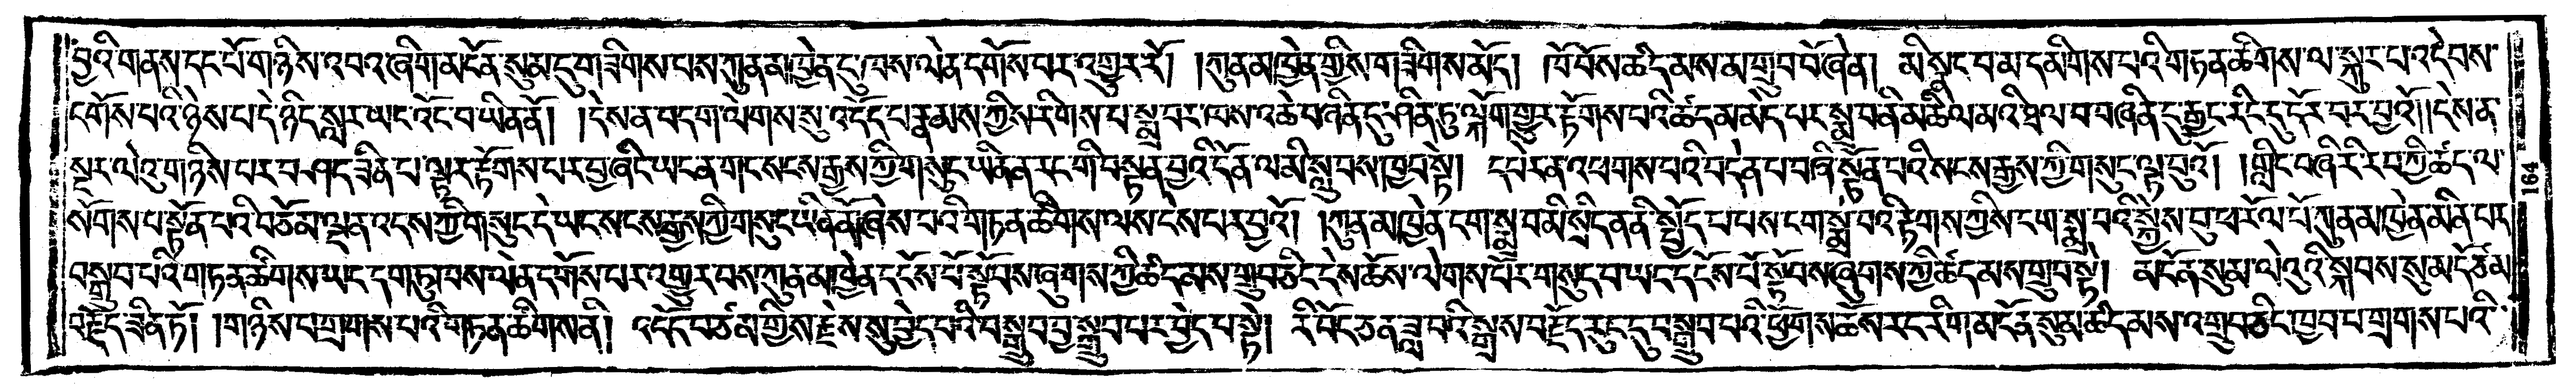བྱའི་གནས་དང་པོ་གཉིས་འབའ་ཞིག་མངོན་སུམ་དུ་གཟིགས་པས་ཀུན་མཁྱེན་དུ་ཁས་ལེན་དགོས་པར་འགྱུར་རོ། །ཀུན་མཁྱེན་གྱིས་གཟིགས་མོད། ཁོ་བོས་ཚད་མས་མ་གྲུབ་བོ་ཞེ་ན། མི་སྣང་བ་མ་དམིགས་པའི་གཏན་ཚིགས་ལ་སྐུར་པ་འདེབས་
དགོས་པའི་ཉེས་པ་དེ་ཉིད་སླར་ཡང་འོང་བ་ཡིན་ནོ། །ངེས་ན་བདག་ལེགས་སུ་འདོད་པ་རྣམས་ཀྱིས་རིགས་པ་སྨྲ་བར་ཁས་འཆེ་བཞིན་དུ་ཤིན་ཏུ་ལྐོག་གྱུར་རྟོགས་པའི་ཚད་མ་མེད་པར་སྨྲ་བ་ནི་མཆིལ་མའི་ཐལ་བ་བཞིན་དུ་རྒྱང་རིང་དུ་དོར་བར་བྱའོ། །དེས་ན་
སྔར་ལེའུ་གཉིས་པར་བཤད་ཟིན་པ་ལྟར་རྟོགས་པར་བྱ་ཞིང་ཡང་ན་གང་སངས་རྒྱས་ཀྱི་གསུང་ཡིན་ན་རང་གི་བསྟན་བྱའི་དོན་ལ་མི་སླུ་བས་ཁྱབ་སྟེ། དཔེར་ན་འཕགས་པའི་བདེན་པ་བཞི་སྟོན་པའི་སངས་རྒྱས་ཀྱི་གསུང་ལྟ་བུའོ། །གླིང་བཞི་རི་རབ་ཀྱི་ཚད་ལ་
སོགས་པ་སྟོན་པའི་བཅོམ་ལྡན་འདས་ཀྱི་གསུང་དེ་ཡང་སངས་རྒྱས་ཀྱི་གསུང་ཡིན་ནོ། ཞེས་པའི་གཏན་ཚིགས་ལས་ངེས་པར་བྱའོ། །ཀུན་མཁྱེན་དག་སྨྲ་བ་མི་སྲིད་ན་ནི་སྤྱོད་པ་པས་ངག་སྨྲ་བའི་རྟགས་ཀྱིས་ངག་སྨྲ་བའི་སྐྱེས་བུ་ཕ་རོལ་པོ་ཀུན་མཁྱེན་མིན་པར་
བསྒྲུབ་པའི་གཏན་ཚིགས་ཡང་དག་ཏུ་ཁས་ལེན་དགོས་པར་འགྱུར་བས་ཀུན་མཁྱེན་དངོས་པོ་སྟོབས་ཞུགས་ཀྱི་ཚད་མས་གྲུབ་ཅིང་དེས་ཆོས་ལེགས་པར་གསུང་བ་ཡང་དངོས་པོ་སྟོབས་ཞུགས་ཀྱི་ཚད་མས་གྲུབ་སྟེ། མངོན་སུམ་ལེའུའི་སྐབས་སུ་མདོ་ཙམ་
བརྗོད་ཟིན་ཏོ། །གཉིས་པ་གྲགས་པའི་གཏན་ཚིགས་ནི། འདོད་པ་ཙམ་གྱིས་རྗེས་སུ་བྱེད་པའི་བསྒྲུབ་བྱ་སྒྲུབ་པར་བྱེད་པ་སྟེ། རི་བོང་ཅན་ཟླ་བའི་སྒྲས་བརྗོད་རུང་དུ་བསྒྲུབ་པའི་ཕྱོགས་ཆོས་རང་རིག་མངོན་སུམ་ཚད་མས་འགྲུབ་ཅིང་ཁྱབ་པ་གྲགས་པའི་